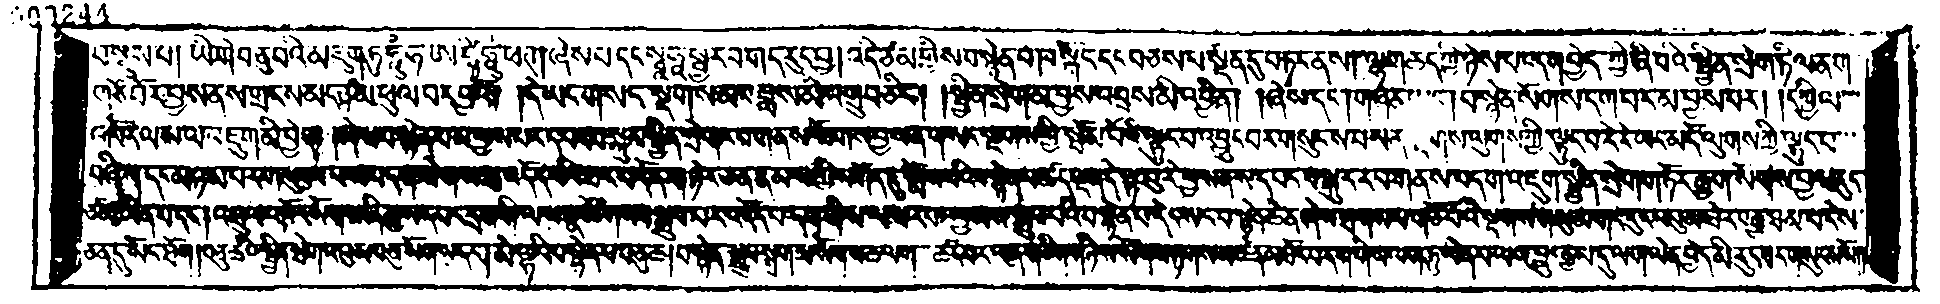བསྡུས་པ། ཡི་གེ་བཅུ་བའི་མཇུག་ཏུ་ཧཱུཾ་ཧ་ཨ་ཛྙཻ་ཧཱུཾ་ཕཊ། ཞེས་པ་དང་སྭཱཧཱ་སྦྱར་བ་གང་རུང་བྱ། འདི་ཙམ་གྱིས་བསྙེན་པ་ཁ་སྐོང་དང་བཅས་པ་སྔོན་དུ་བཏང་ནས། ལྷག་ཆད་ཀྱི་ཉེས་པ་བདག་བྱེད་ཀྱི་ཞི་བའི་སྦྱིན་སྲེག་ཏིལ་ནག་
གཙོ་བོར་བྱས་ནས་གྲངས་མང་ཙམ་ཕུལ་བར་བྱའོ། །དེ་ཡང་གསང་སྔགས་མ་བཟླས་མི་འགྲུབ་ཅིང་། །སྦྱིན་སྲེག་མ་བྱས་འབྲས་མི་འབྱིན། །ཞེས་དང་། གཞན་ཡང་། བསྙེན་སོགས་དག་པར་མ་བྱས་པར། །དཀྱིལ་
འཁོར་ལས་ལ་འཇུག་མི་བྱེད། །ཞེས་བསྙེན་པ་མ་བྱས་པར་དབང་བསྐུར་སྦྱིན་སྲེག་རབ་གནས་སོགས་བྱས་ན་གསང་སྔགས་ཀྱི་སྦོམ་པོའི་ལྟུང་བ་འབྱུང་བར་གསུངས་པས་ན་སྔགས་ལུགས་ཀྱི་ལྟུང་བ་རེ་རེ་ཡང་མདོ་ལུགས་ཀྱི་ལྟུང་བ་
བཞི་ཀ་དང་མཉམ་པར་གསུངས་པས་བདག་ལེགས་སུ་འདོད་པའི་ཐར་པ་དོན་གཉེར་ཅན་རྣམས་ཀྱིས་གོང་དུ་སྨོས་པའི་བསྙེན་པ་ཚད་ལྡན་དེ་ལྟ་བུར་བྱས་ནས་དབང་བསྐུར་རབ་གནས་བདག་འཇུག་སྦྱིན་སྲེག་གཏོར་རྒྱག་སོགས་བྱས་རུང་
ཙམ་ཡིན་པ་དང་། འཁྲུལ་འཁོར་སོགས་ཞི་རྒྱས་དབང་དྲག་གི་ལས་སྣ་ཚོགས་བསྒྲུབ་པར་འདོད་པ་དག་གིས་ལས་རབ་འབྱམས་སྒྲུབ་པའི་བསྙེན་པ་དེང་སང་བསྙེན་ཆེན་ཞེས་གྲགས་པ་གཙོ་བོའི་སྔགས་གསུམ་གང་རུང་འབུམ་ཐེར་བརྒྱ་ཐམ་པ་ངེས་
ཅན་དུ་སོང་ཐོག །བཅུ་ཆའི་བྱིན་སྲེག་འབུམ་བཅུ་སོགས་དང་། མེ་ལྷའི་བསྙེན་པ་བཅུ་ཆ། བསྙེན་སྒྲུབ་སྦྲག་མ་སོགས་ཆ་ལག་ཚང་བར་ལན་གཅིག་གཉིས་སོགས་རྟགས་མཚན་མཐོང་བ་དག་གིས་ལག་ཏུ་ལེན་པ་ལས་བྱུང་རྒྱལ་དུ་ལག་ལེན་བྱེད་མི་རུང་བར་གསུངས་སོ། །